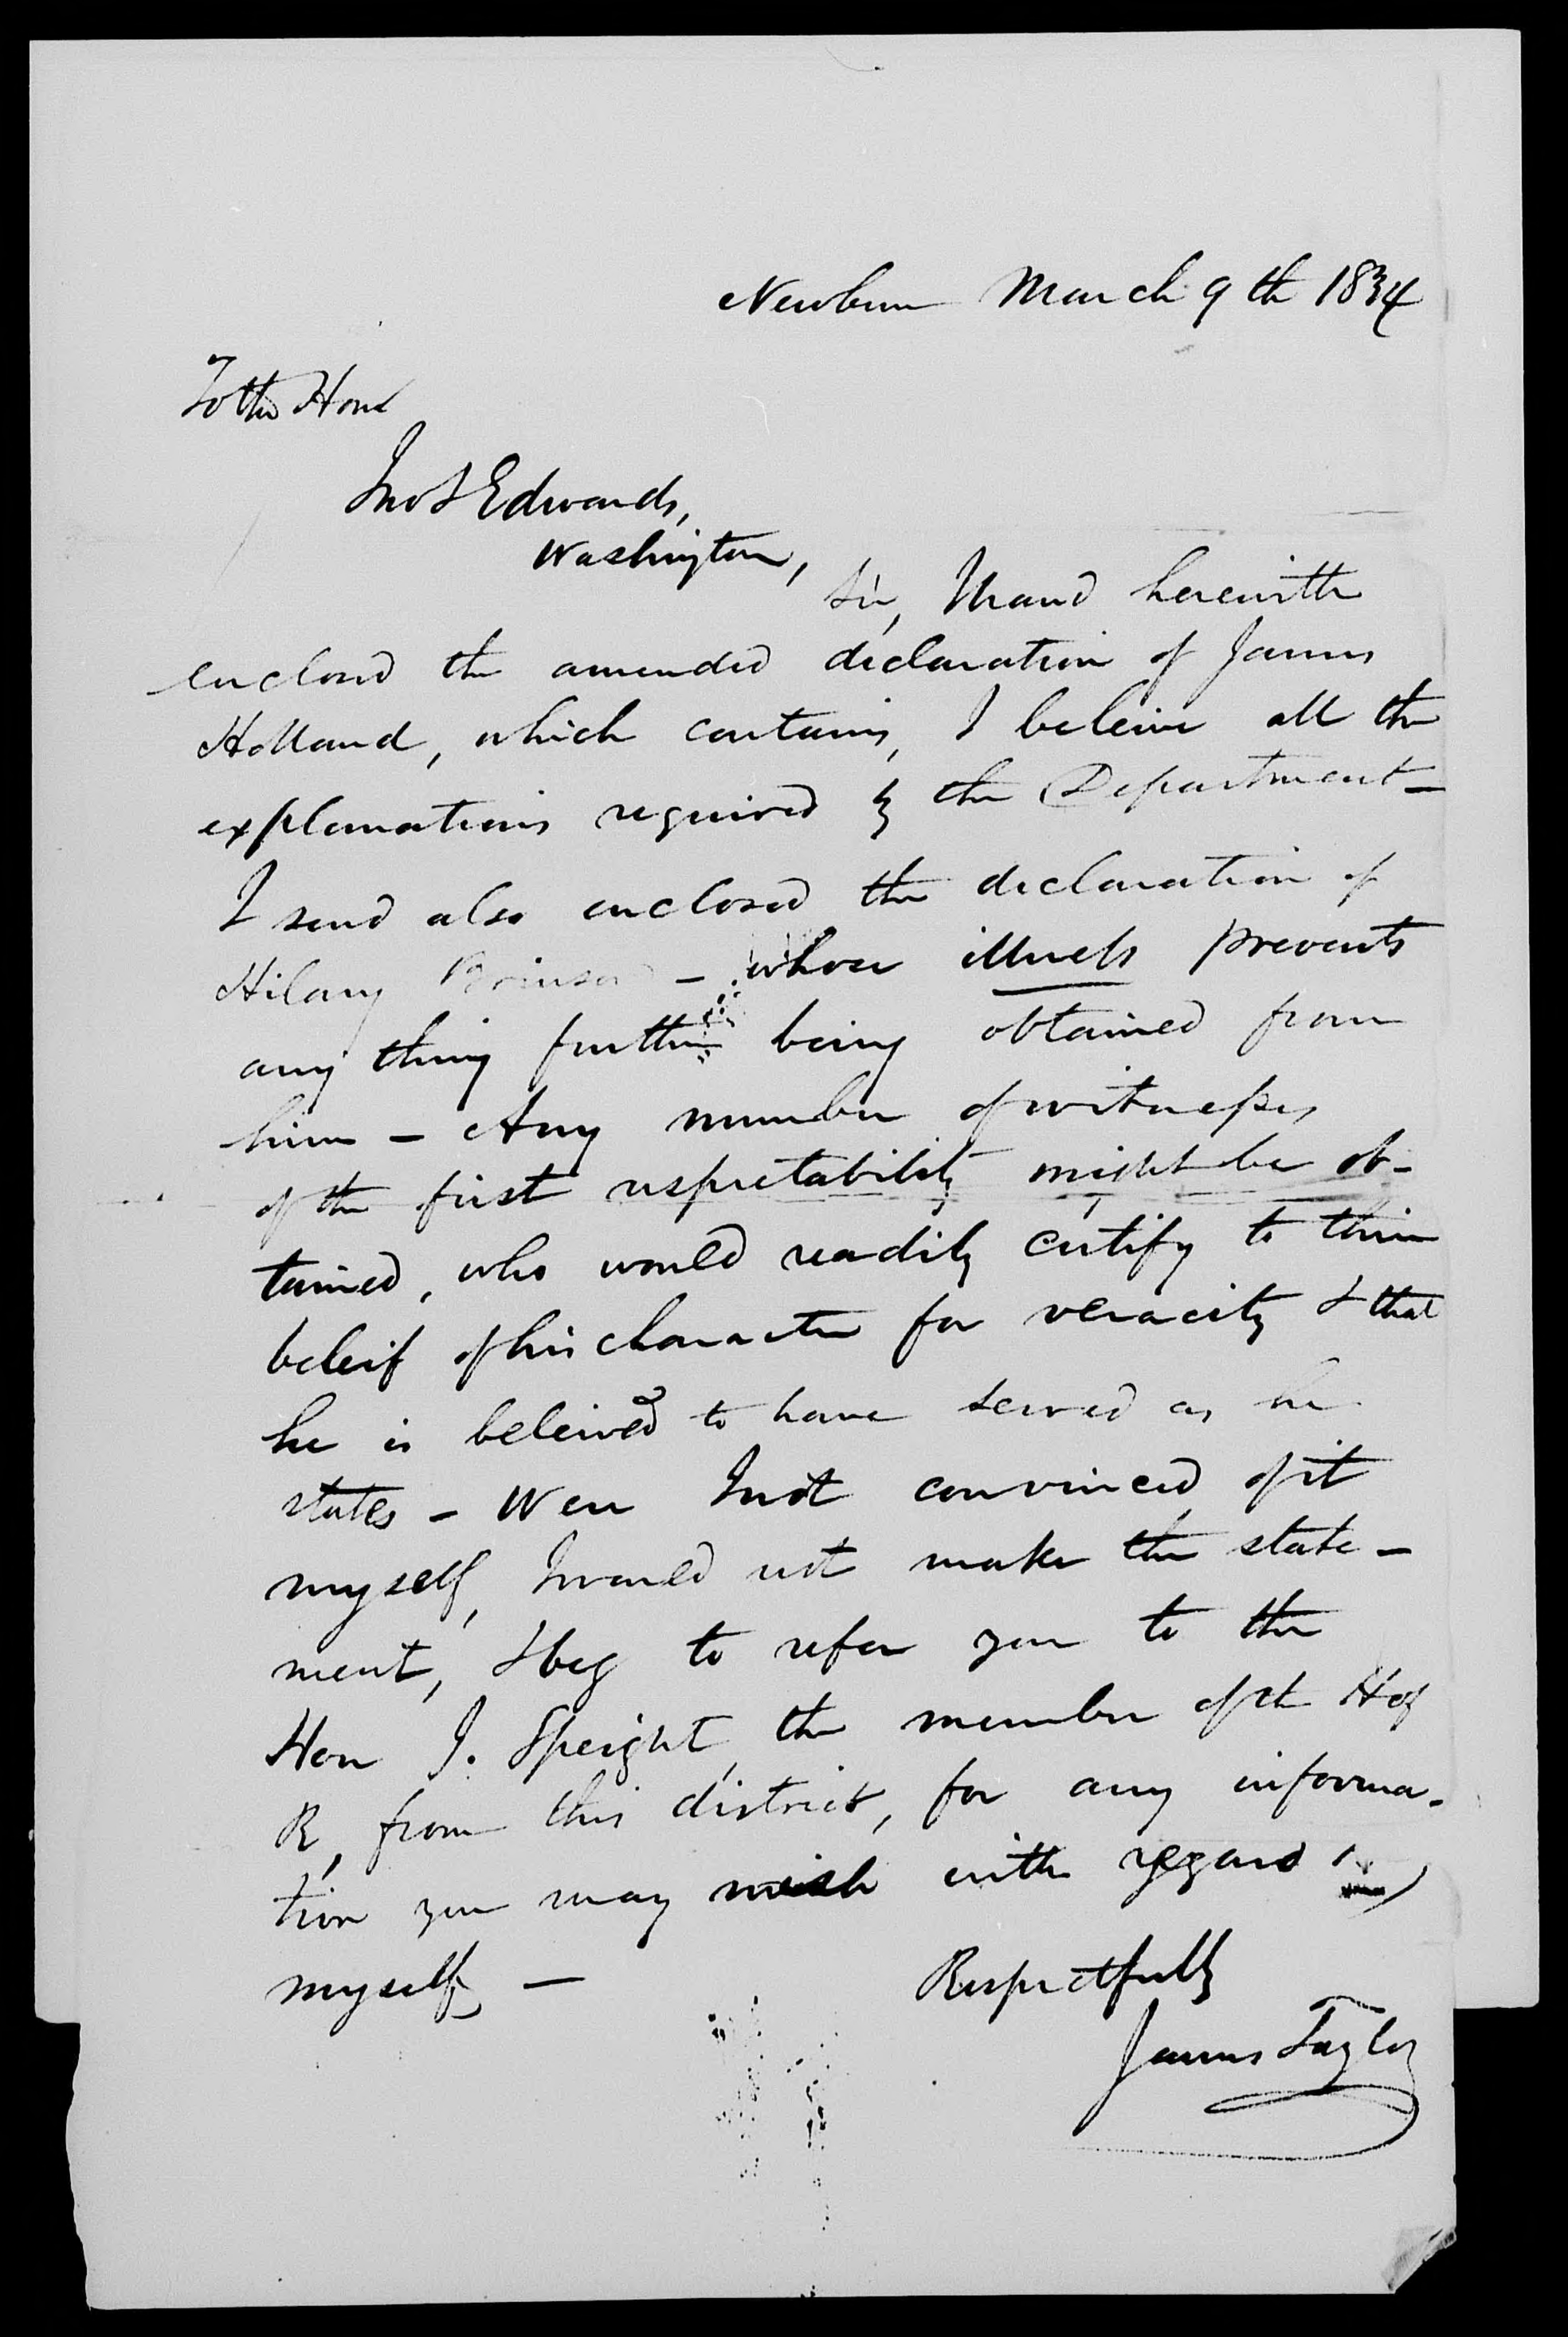Newbern  March 9th 1834

To the Hon Jno L Edwards, 
Washington,
Sir, I have herewith enclosed the amended declaration of James Holland, which contains, I believe all the explanations required by the Department- I send also enclosed the declaration of Hilary Brinson- where illness prevents anything further being obtained from him- Any number of witnesses of the first respectability might be obtained, who would readily certify to their believe of his character from veracity and that he is believed to have served as he states- were I not convinced of it myself, I would not make the statement, I beg to refer you to the Hon. J. Speight the member of the H of R, from this district, for any information you may wish with regard [illegible] myself.
Respectfully,
James Taylor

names: James Holland, James Taylor, Jno L Edwards, Hilary Brinson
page: 33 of 38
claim: widow's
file: W. 5231, Hilary Brinson, N.C.